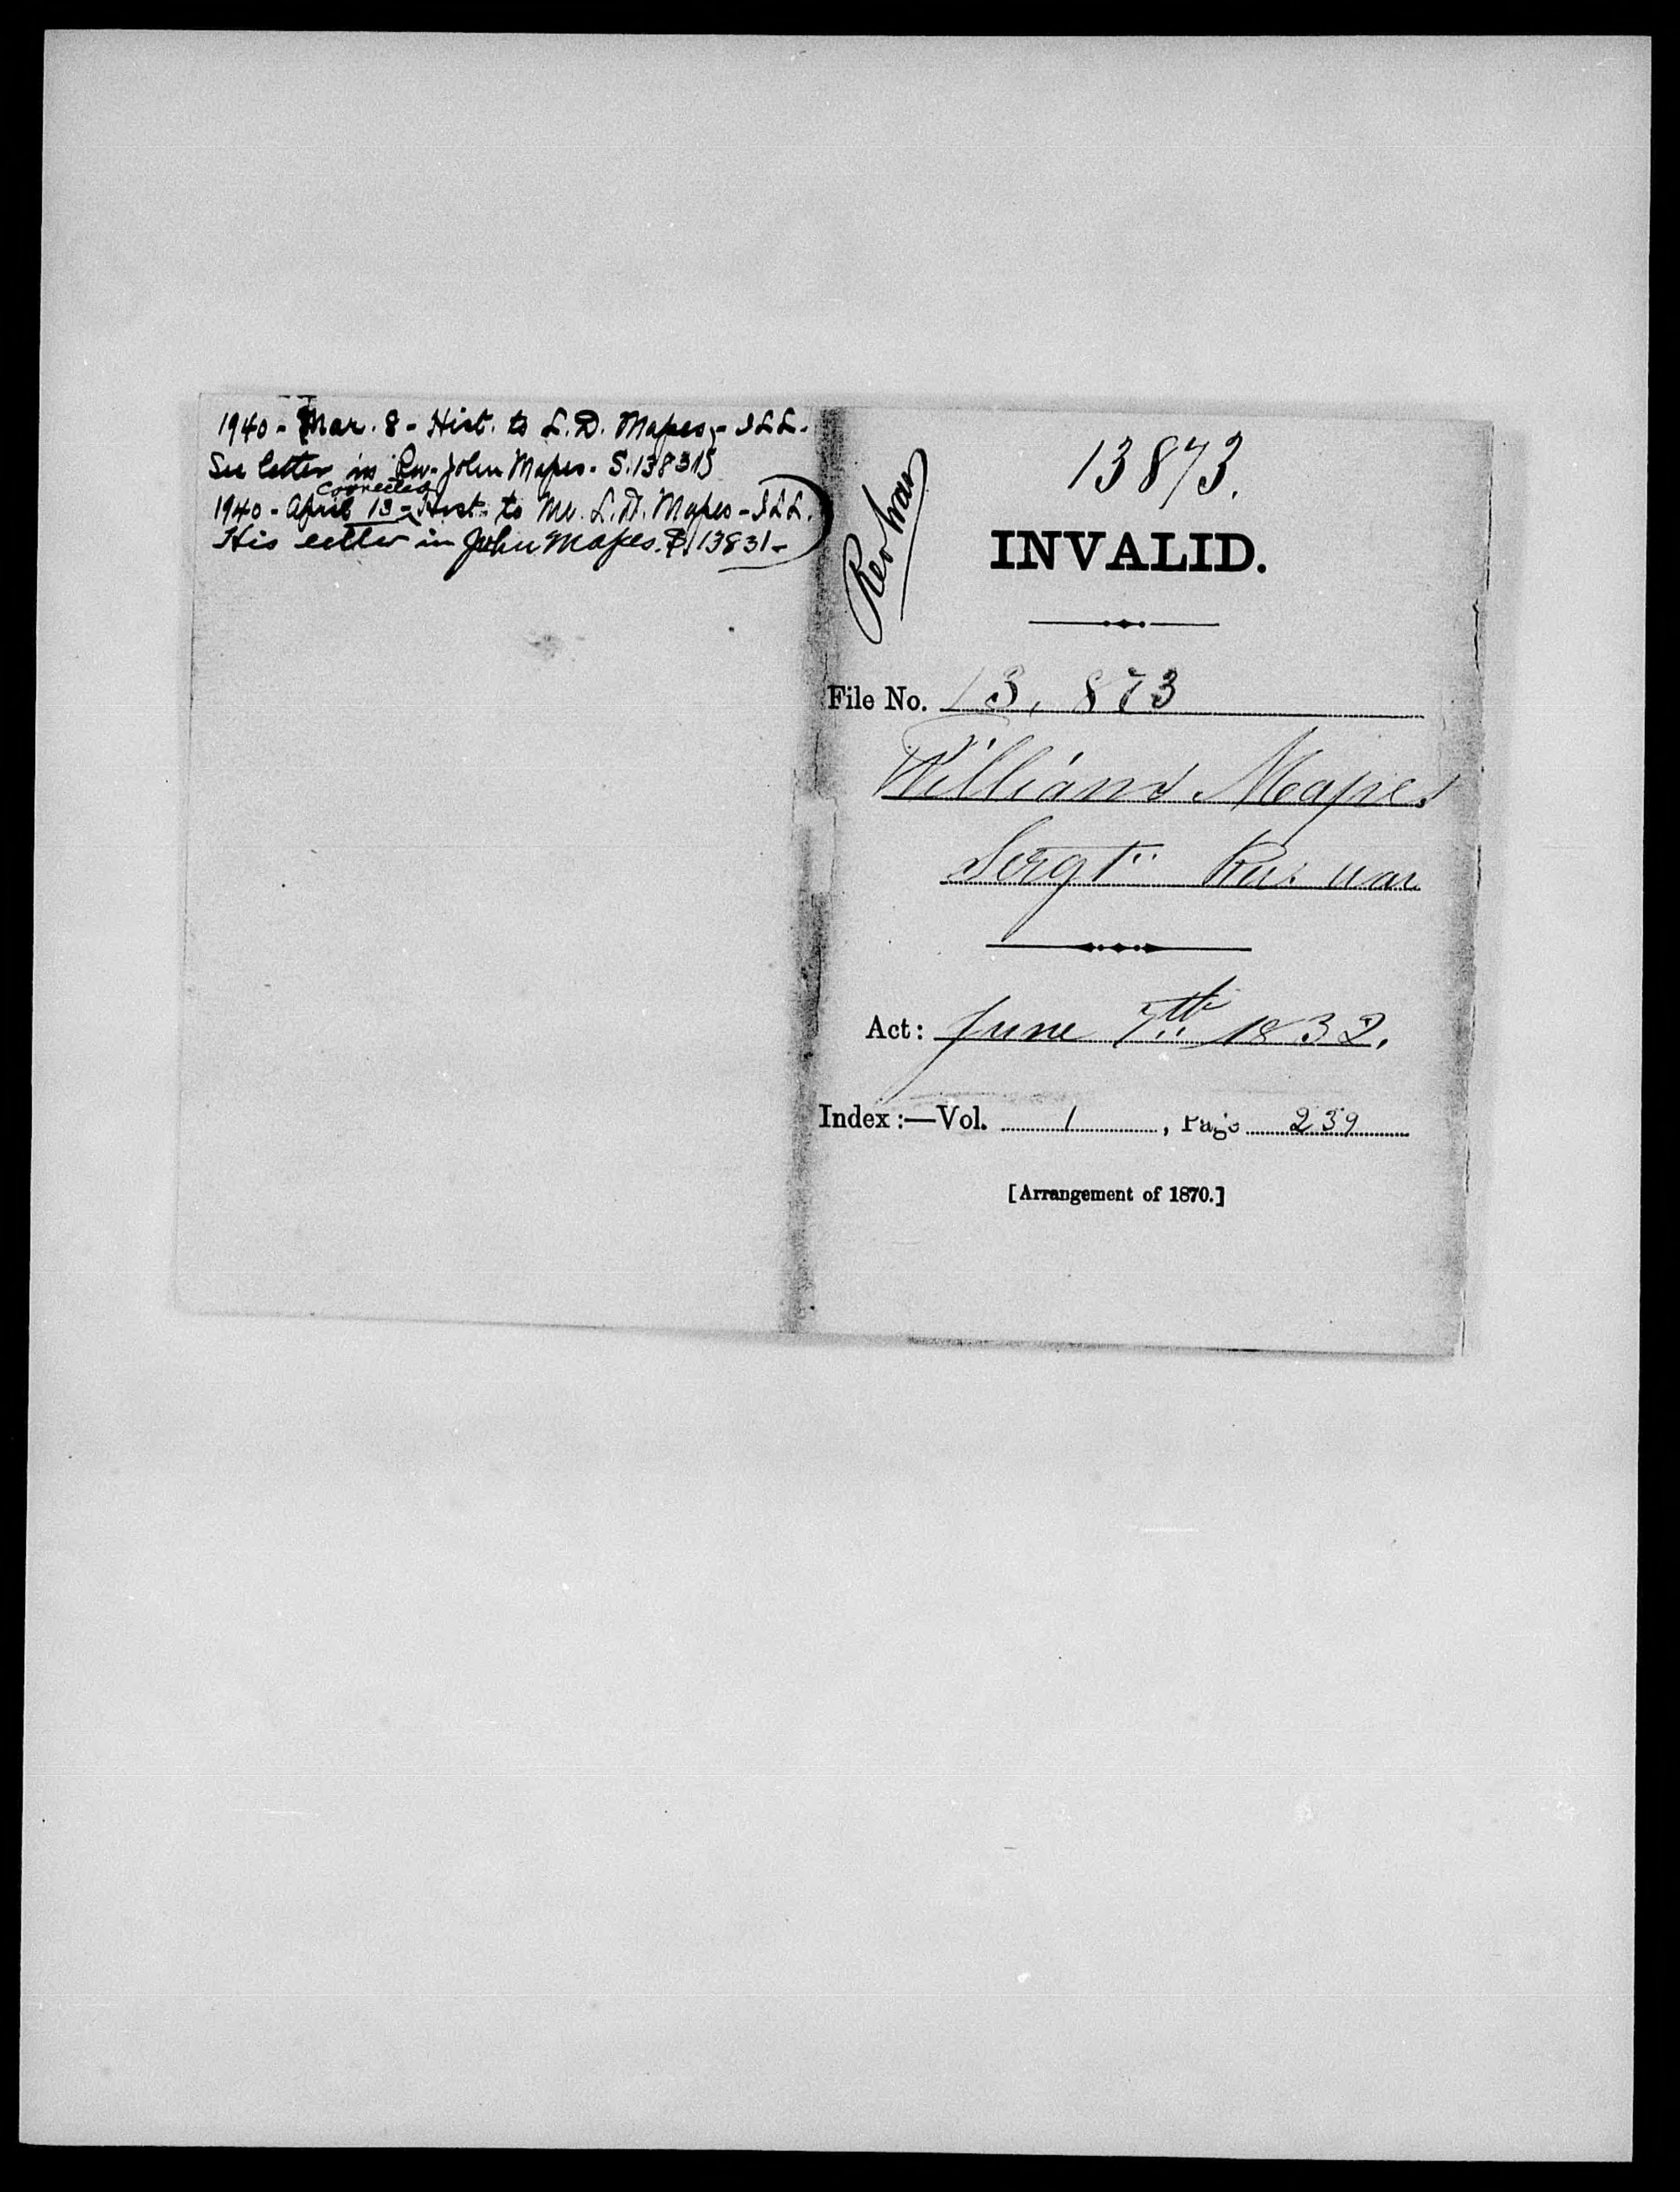1940.-Mar. 8 Hist to L.D. Mapes -ILL
See letter in  Rev. John Mapes. S. 138315

1940 - April 13 corrected Hist to Mr. L.D. Mapes- ILL
His letter in John Mages $13831 

Rev War

13873 

INVALID. 
———————————

File No. 13, 813 
William Mapes 
Sergt. Rev War 
—————————-

Act: June 7th 1832

Index:--Vol.  1.   Page 239 

[Arrangement of 1870.]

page: 28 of 30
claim: survivor's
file: S. 13,873, for William Mapes, New York